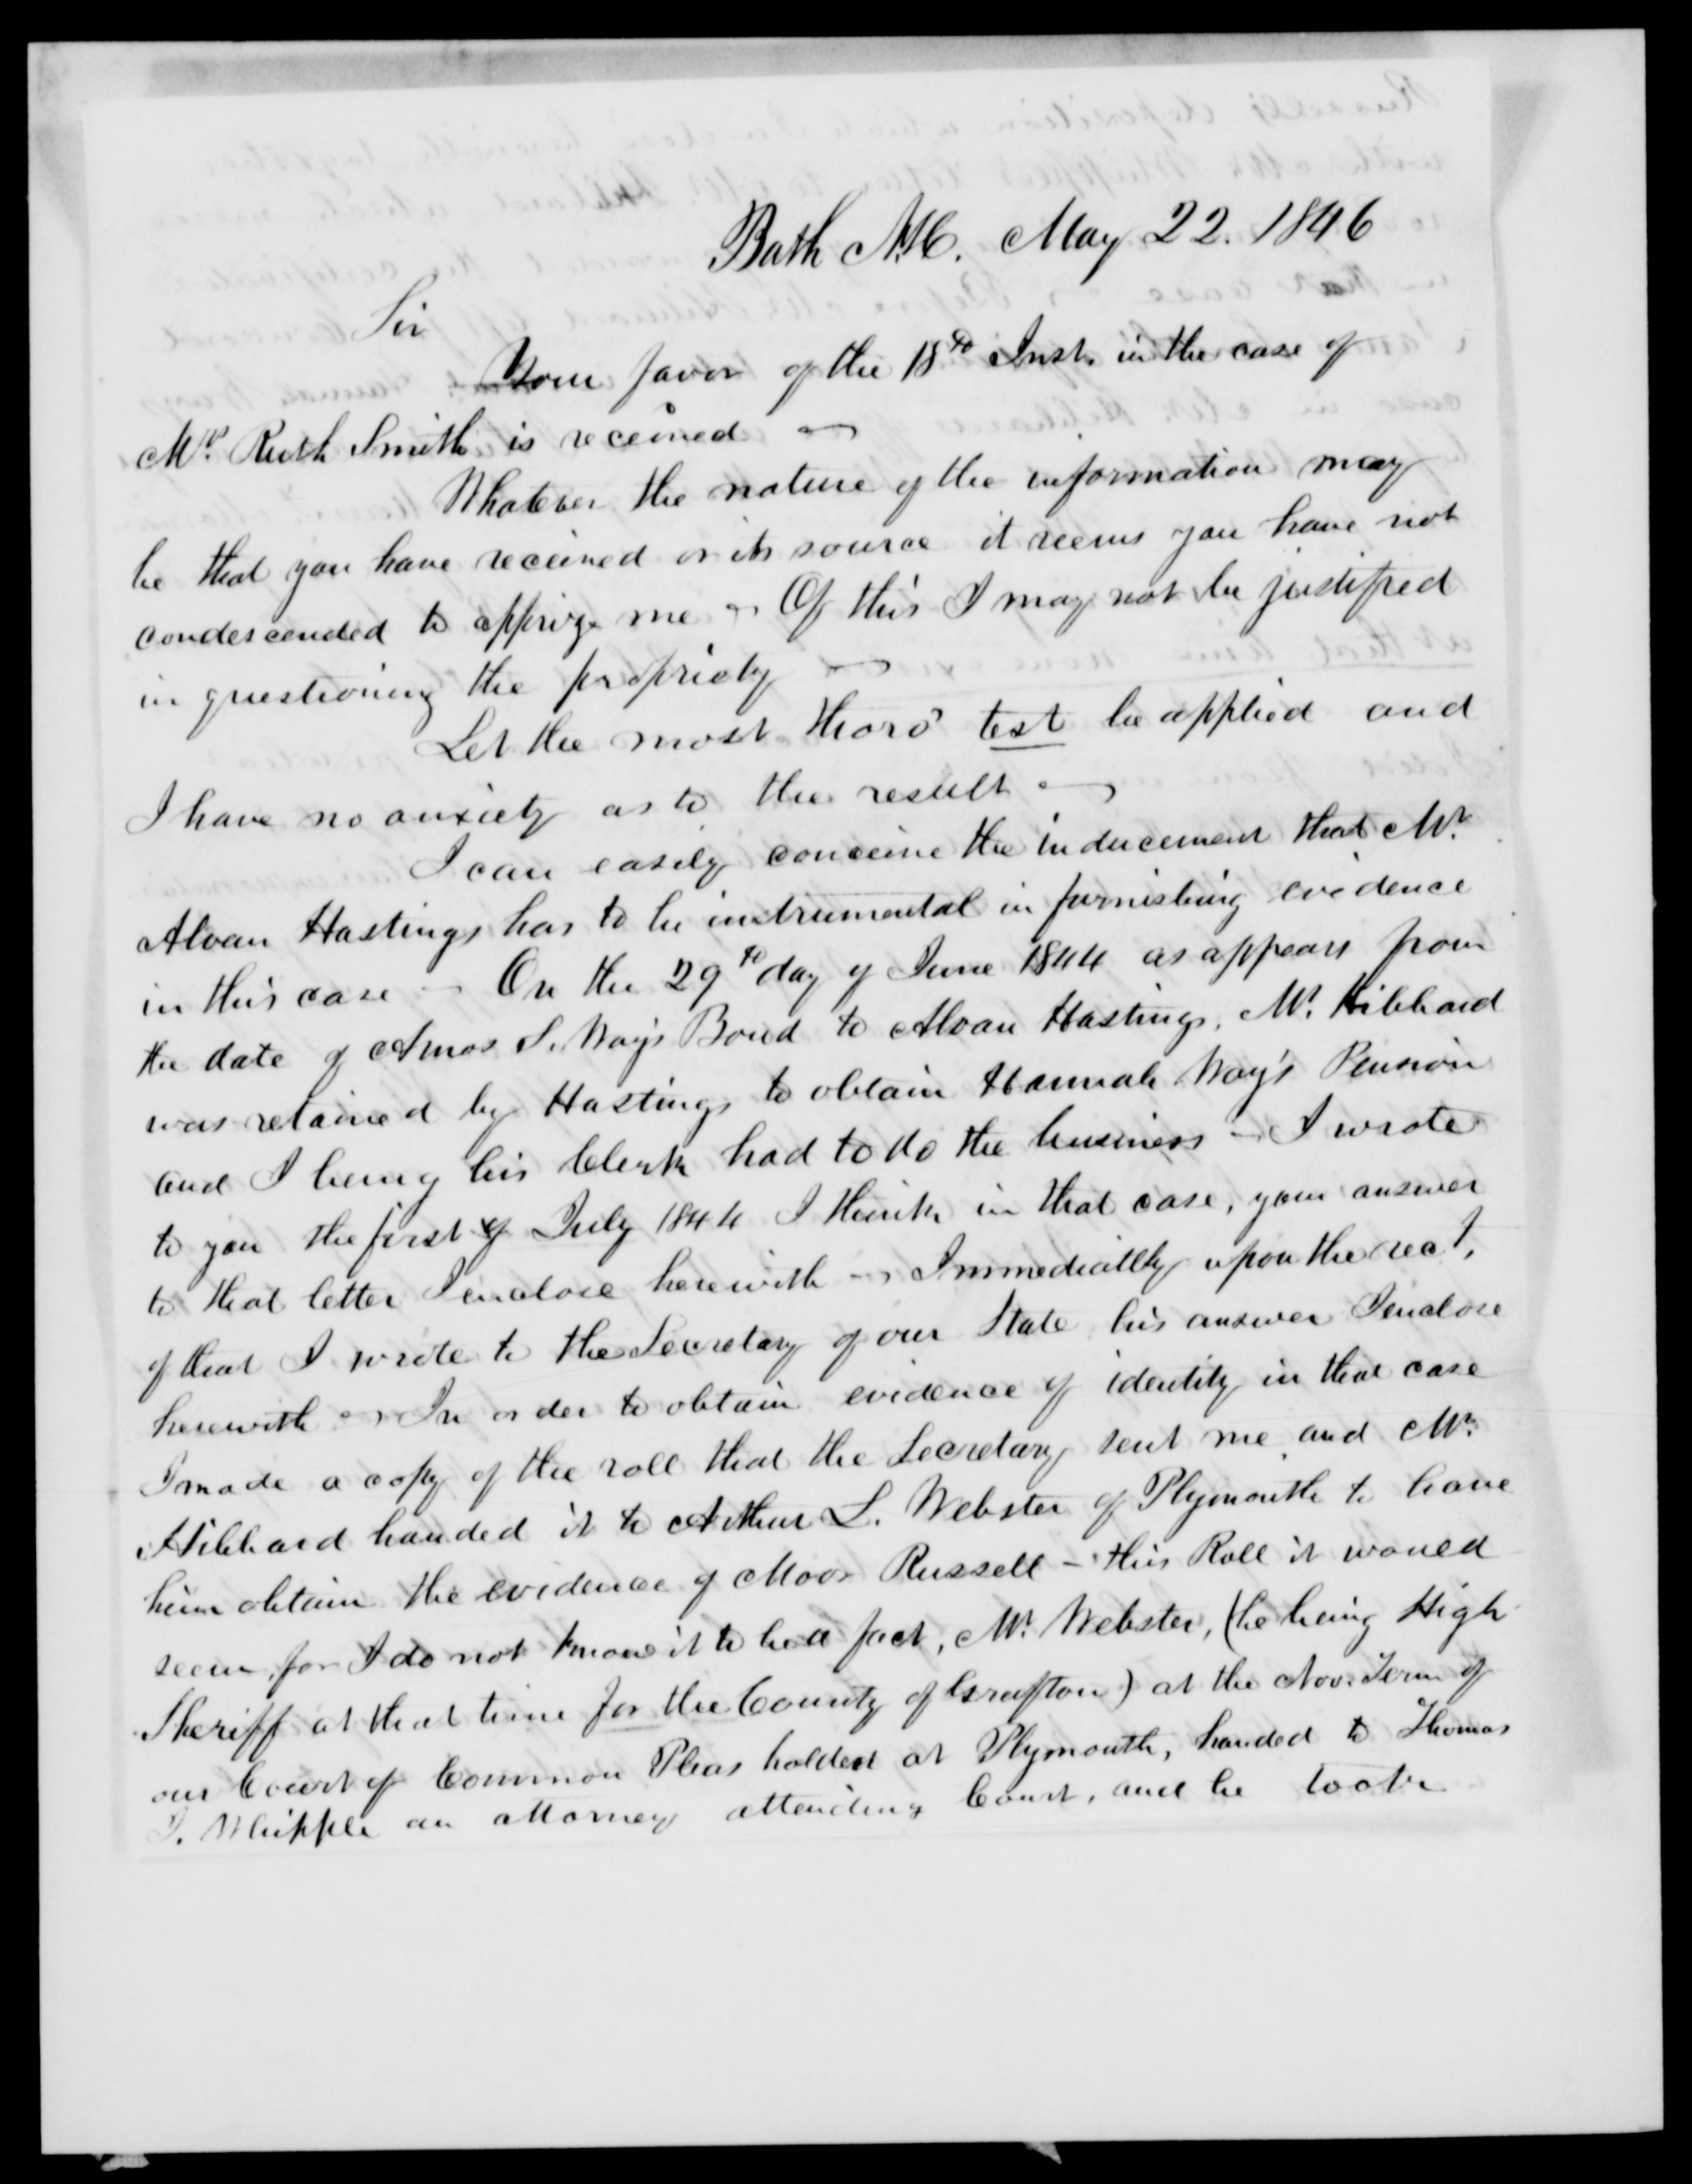Bath N.H. May 22. 1846
Sir
Your favor of the 18th Inst in the case of
Mrs, Ruth Smith is received
Whatever the nature of the information may
be that you have received or its source it seems you have not
condescended to apprize me & of this I may not be justified
in questioning the propriety &
Let the most thoro' test be applied and
I have no anxiety as to the result
I can easily conceive the inducement that Mr
Alvan Hastings has to be instrumental in furnishing evidence
in this case. On the 29th day of June 1844 as appears from
the date of Amos S. Way's Bond to Alvan Hastings, Mr Hibbard
was retained by Hastings to obtain Hannah Way's Pension
and I being his Clerk had to do the business.  I wrote
to you the first of July 1844 I think in that case, your answer
that letter I enclose herewith. Immediattly upon the rect
of that I wrote to the Secretary of our State his answer I enclose
herewith. In order to obtain evidence of identity in that case I
made a copy of the roll that the Secretary sent me and Mr
Hibbard handed it to Arthur L. Webster of Plymouth to have
him obtain the evidence of Moor Russell-- this Roll it would
seem for I do not know it to be a fact, Mr Webster, (he being High
Sheriff at that time for the County of Grafton) at the Nov Term of
our Court of Common Pleas holden at Plymouth, handed to Thomas T.
Whipple an attorney attending Court, and he took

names: Thomas T Whipple, Amos S Way, Hannah Way, Alvan Hastings, Arthur L Webster, Ruth Smith, Moor Russell, Hibbard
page: 56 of 78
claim: widow's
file: W. 25856, Samuel Way, N.H.